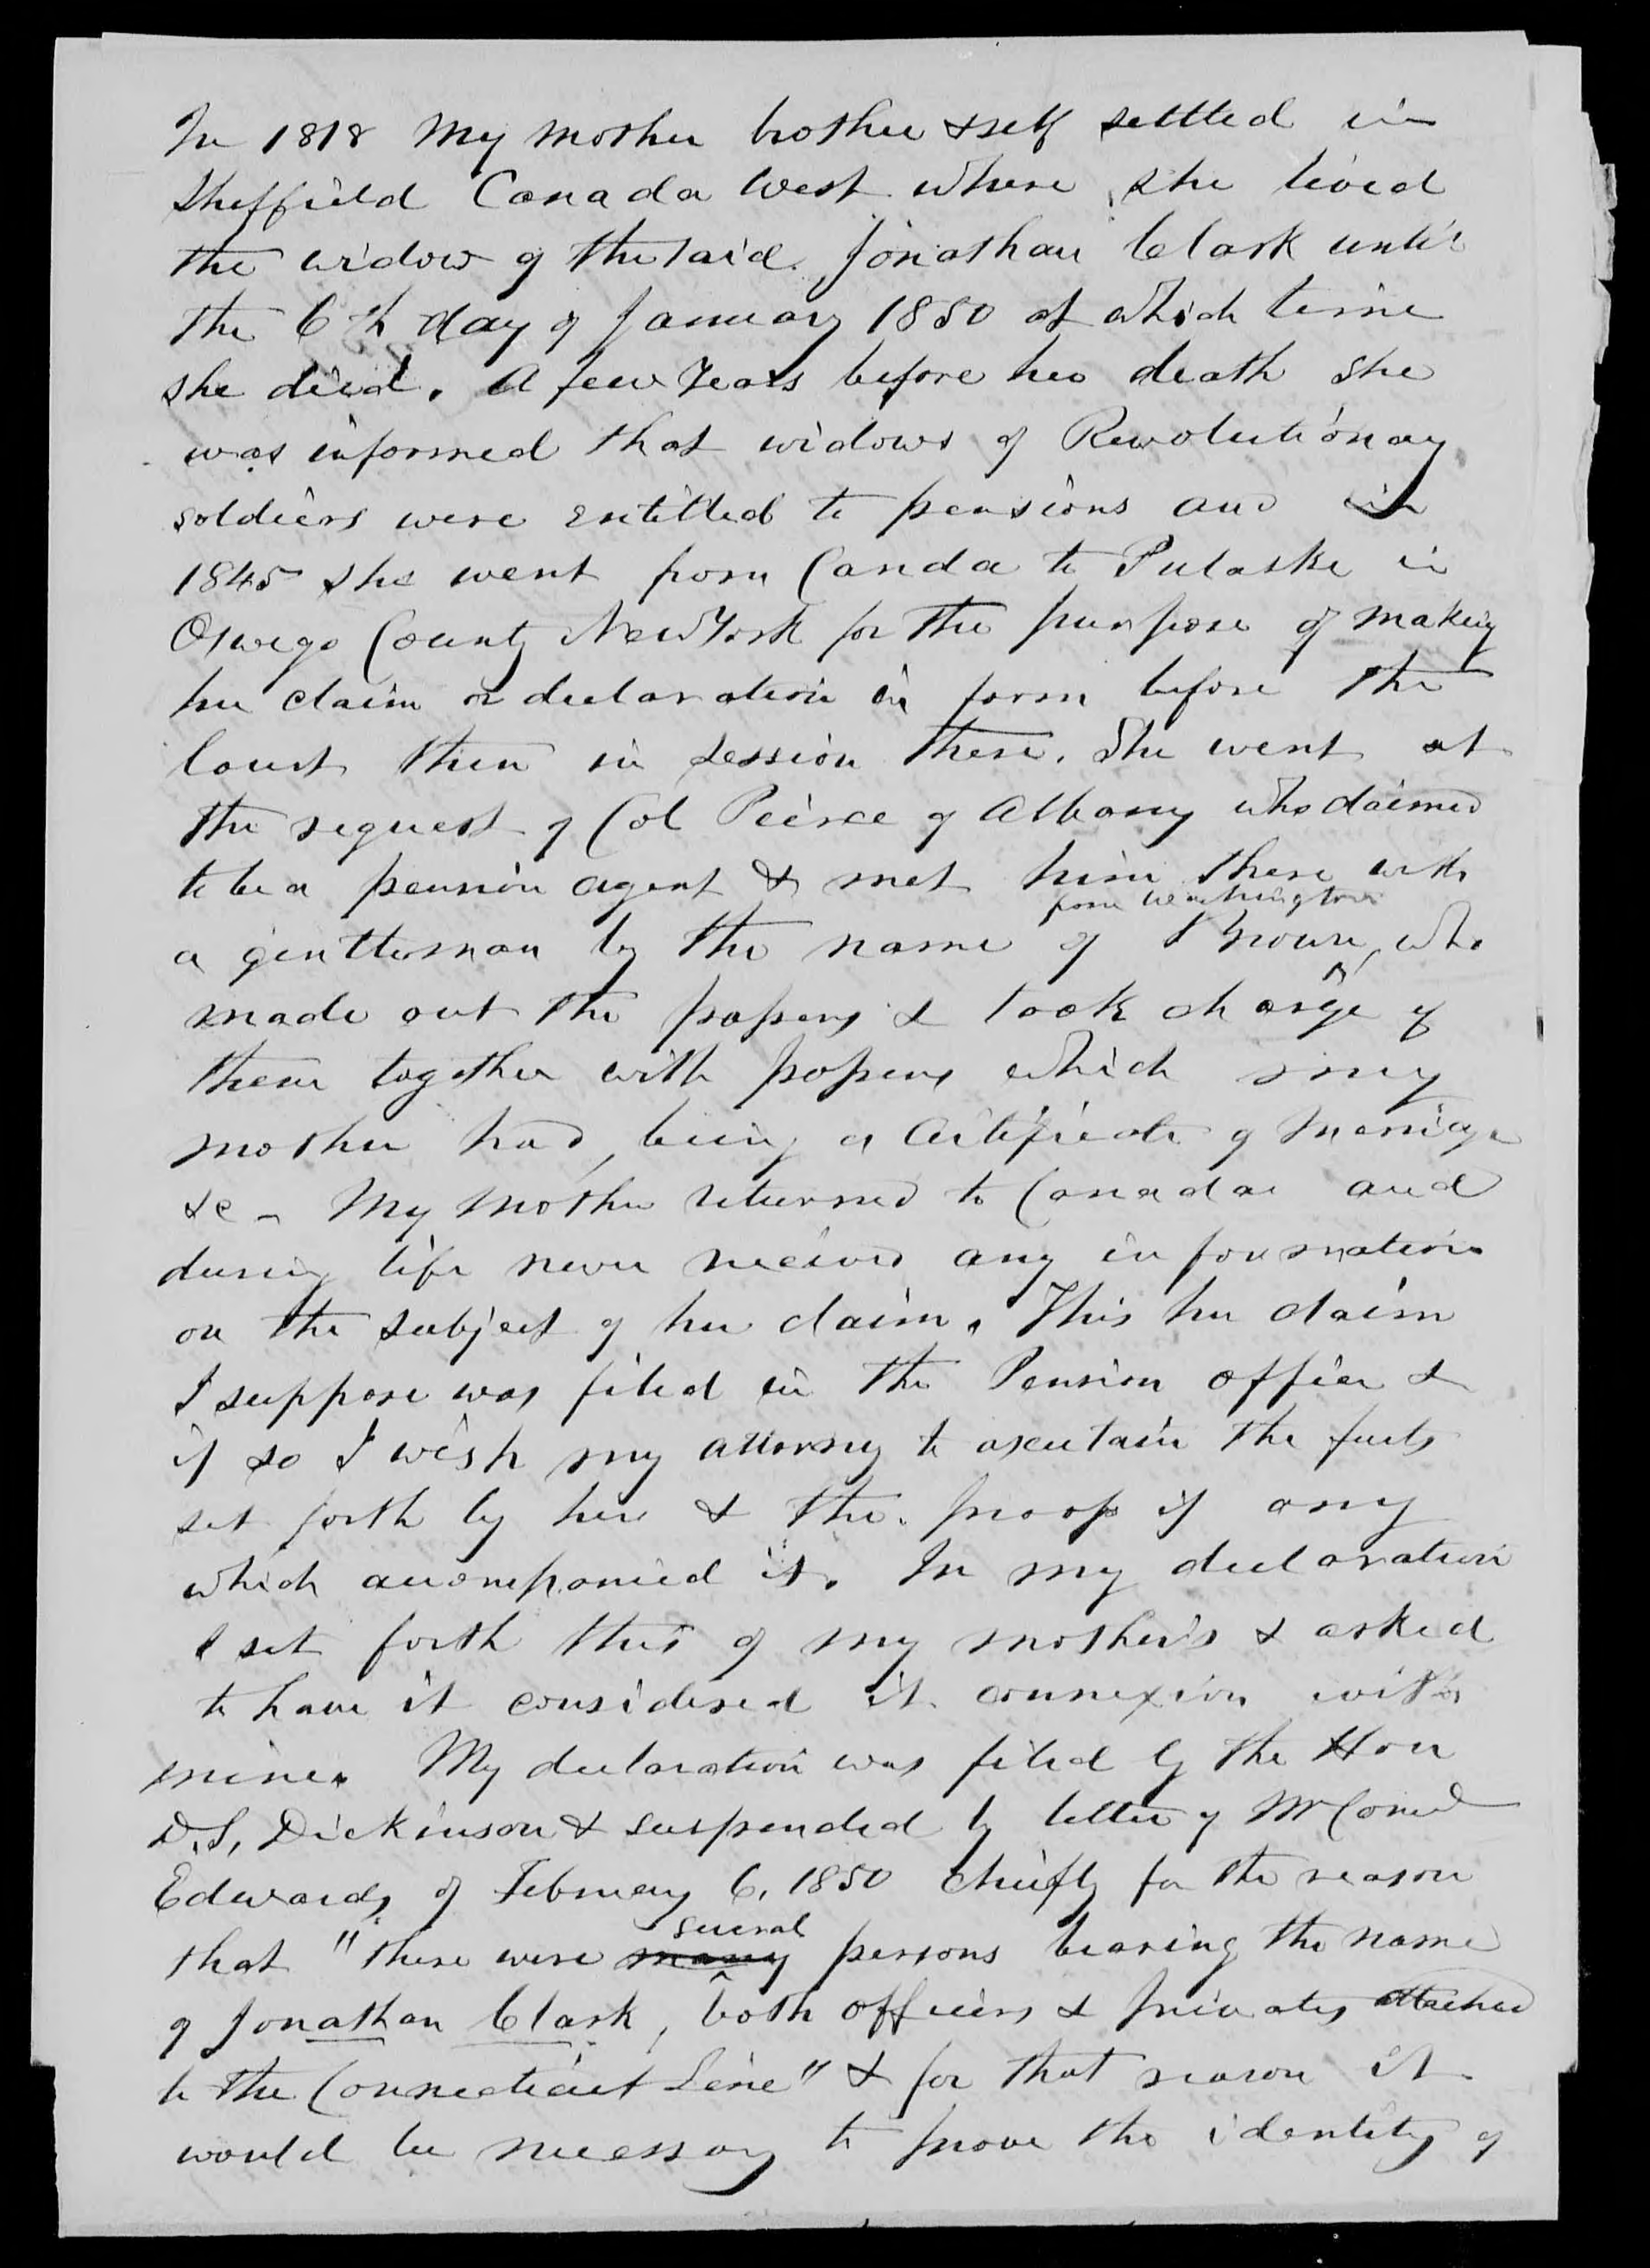In 1818 my mother brother & self settled in Sheffield Canada West where she lived the widow of the said Jonathan Clark until the 6th day of January 1850 at which time she died.  A few years before his death she was informed that widows of Revolutionary soldiers were entitled to pensions and in 1845 she went from Canada to Pulaski in Oswego County New York for the purpose of making her claim or declaration in form before the Court then in session there.  She went at the request of Col Peirce of Albany who claimed to be a pension agent & met him there with a gentleman by the name of Brown from Washington, who made out the papers & took charge of them together with papers which my mother had being, a Certificate of Marriage- My mother returned to Canada and during life never received any information on the subject of her claim.  This her claim I suppose was filed in the Pension office & if so I wish my attorney to ascertain the facts set forth by her & the proof if any which accompanied it.  In my declaration I set forth this of my mother's & asked to have it considered in connexion with mine.  My declaration was filed by the Hon D.S. Dickinson & suspended by letter of Mr Corell Edwards of February 6, 1850 chiefly for the reason that "there were several persons bearing the name of Jonathan Clark, both officers & privates attached to the Connecticut Line" & for that reason it would be necessary to prove the identity of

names: D S Dickinson, Jonathan Clark, Jonathan Clark, Persons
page: 4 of 26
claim: rejected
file: R. 2001, Jonathan Clark, Conn.